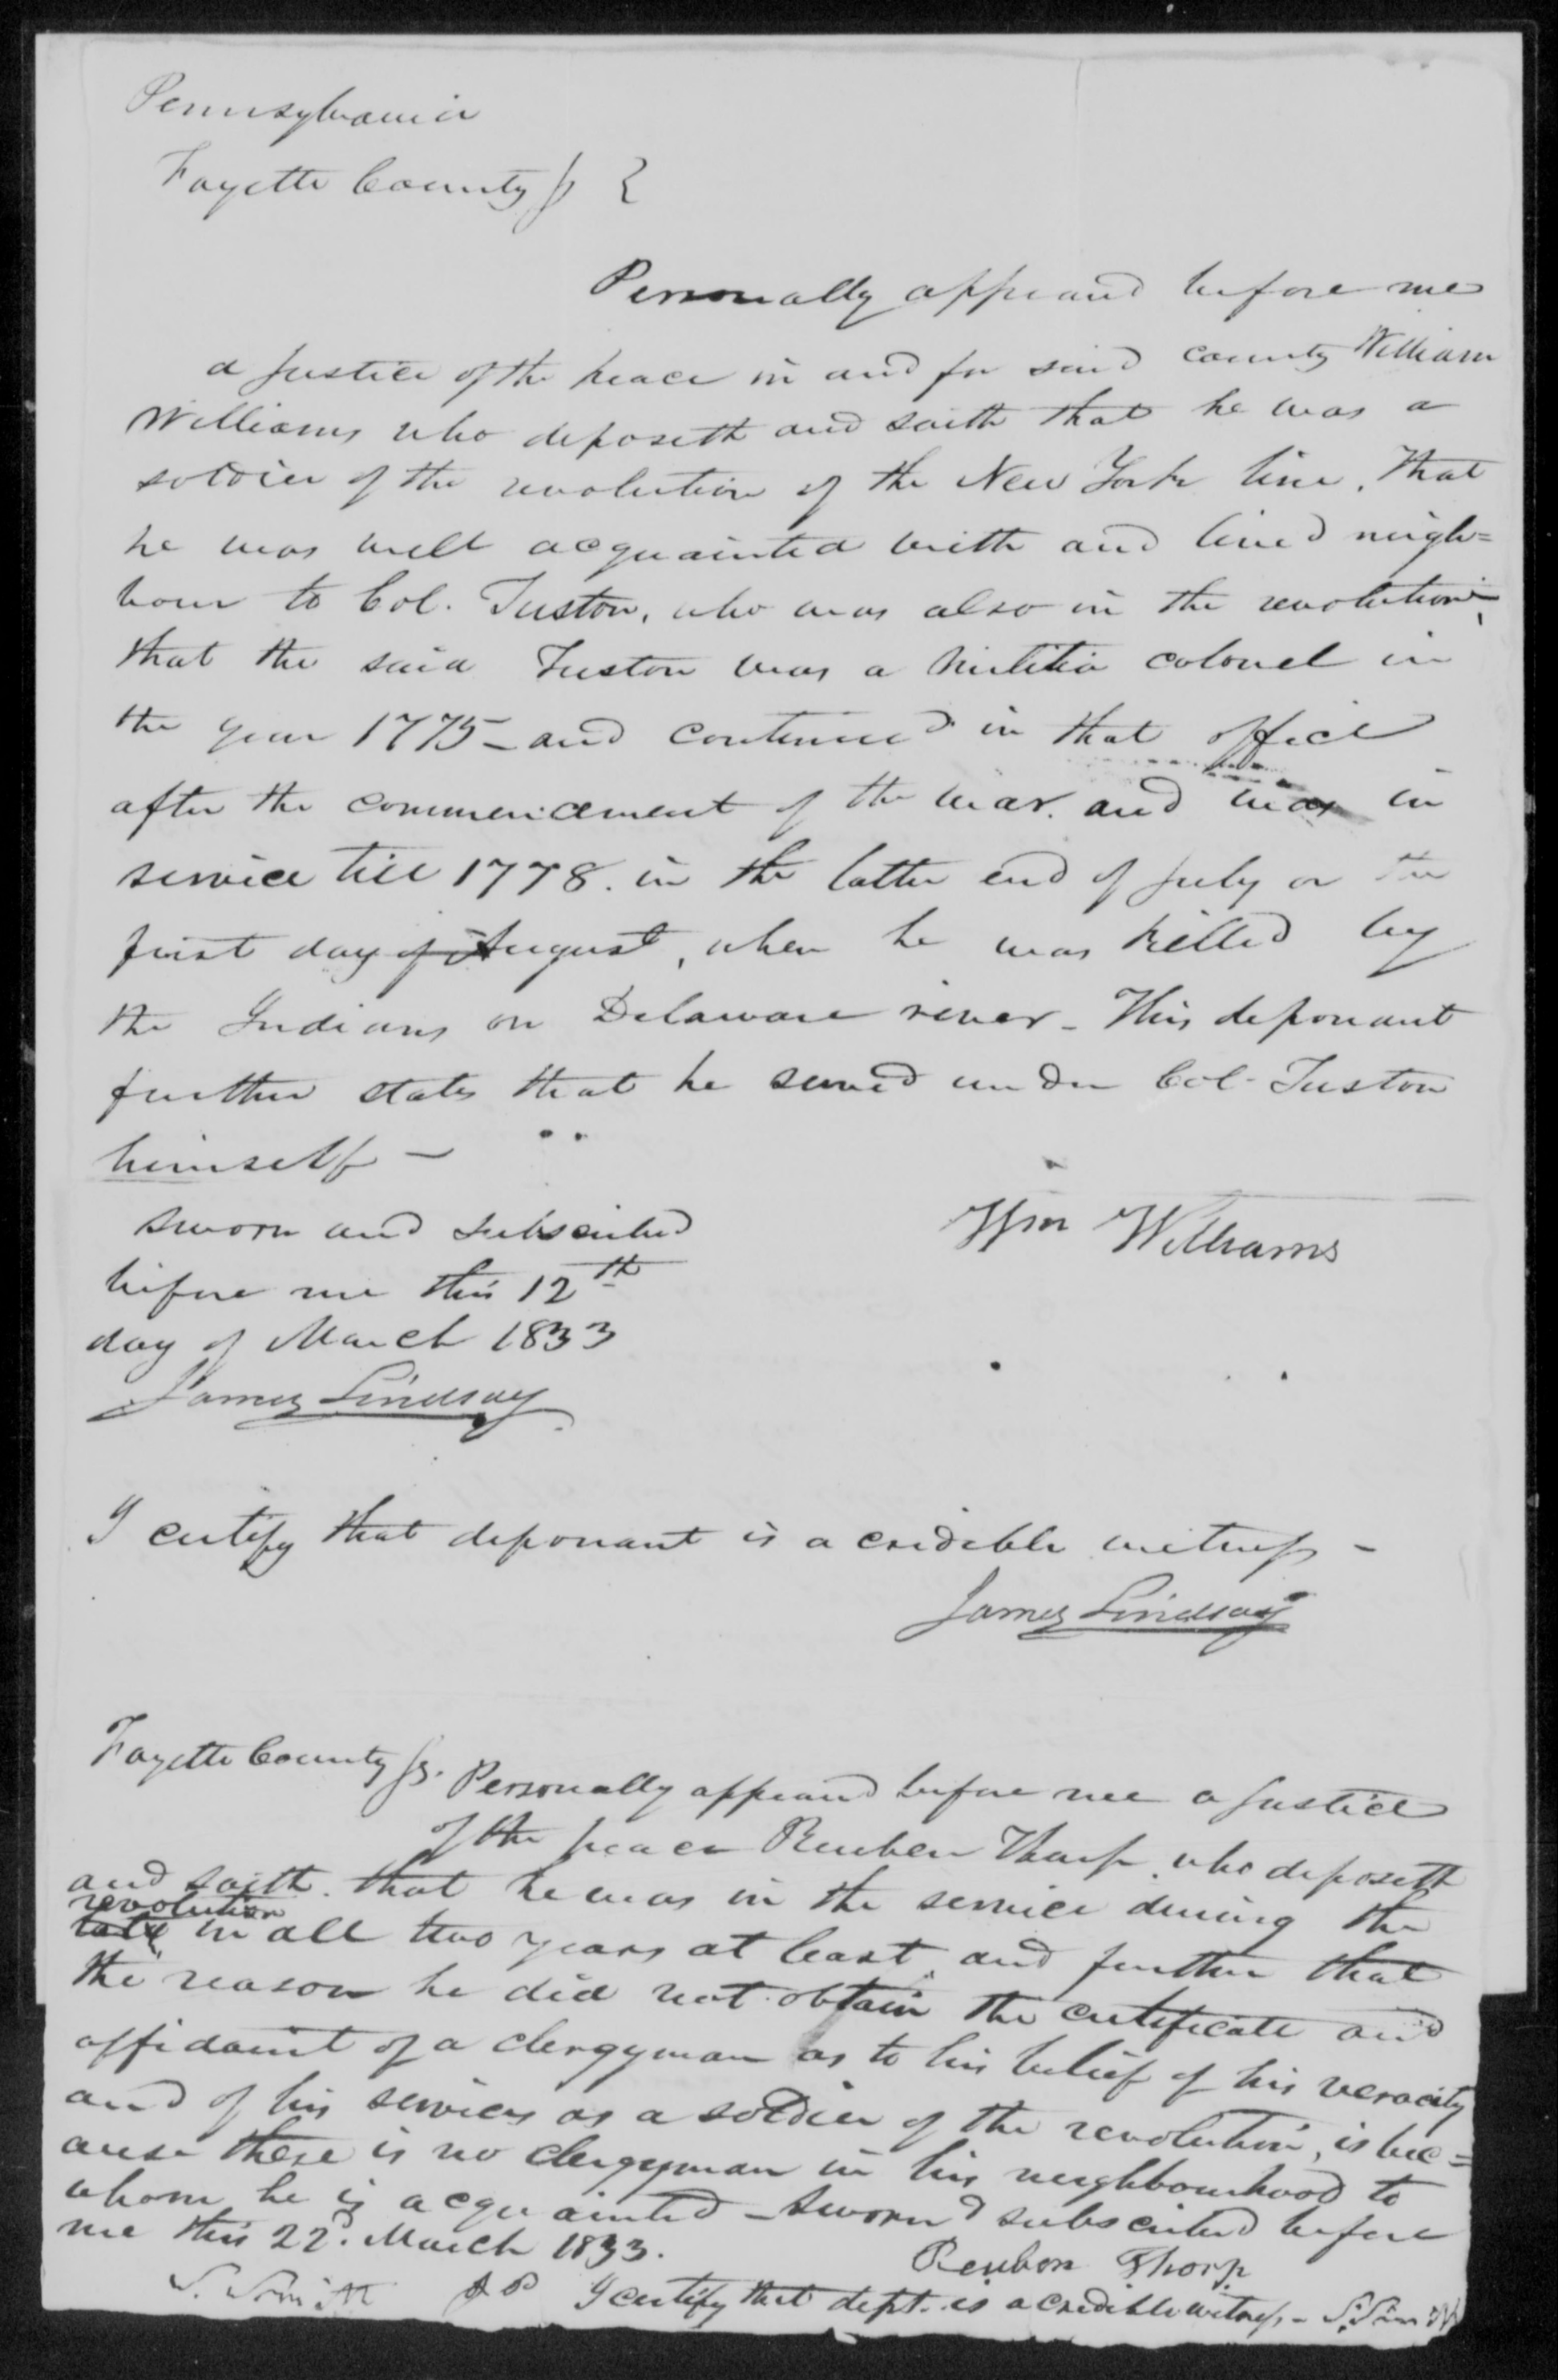Pennsylvania
Fayette County  SS }
Personally appeared before me Justice of the peace in and for said County William Williams who deposeth and saith that he was a soldier of the revolution of the New York line. That
he was well acquainted with and lived neighbour to Col. Tuston, who was also in the revolution, that the said Tuston was a militia colonel in the year 1775, and continued in that office after the commencement of the year and was in service till 1778 in the latter end of July or the first day of August, when he was killed by the Indians on Delaware river. This deponent
further states that he served under Col Tuston
himself-

Wm Williams

Sworn and subscribed
before me this 12th
day of March 1833
James Lindsay

I certify that deponent is a credible witness-
James Lindsay

Fayette County SS.  
Personally appeared before me a Justice
of the peace Reuben Thorp who deposeth
and saith that he was in the service during the revolution in all two years at least and further that the reason he did not obtain the certificate and affidavit of a Clergyman as to his belief of his veracity and of his services as a soldier of the revolution, is because there is no clergyman in his neighbourhood to whom he is acquainted-- Sworn & subscribed before me this 22 March 1833

Reuben Thorp

S. Smith J.P. 
I certify that dept is a credible witness. - S. Smith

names: James Lindsay; [BLANK] Tuston; [BLANK] Tuston; William Williams; Reuben Thorp; Wm Williams; James Lindsay; [BLANK] Tuston; S Smith; Reuben Tharp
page: 21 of 28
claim: survivor's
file: S. 6229, for Reuben Thorp, New Jersey